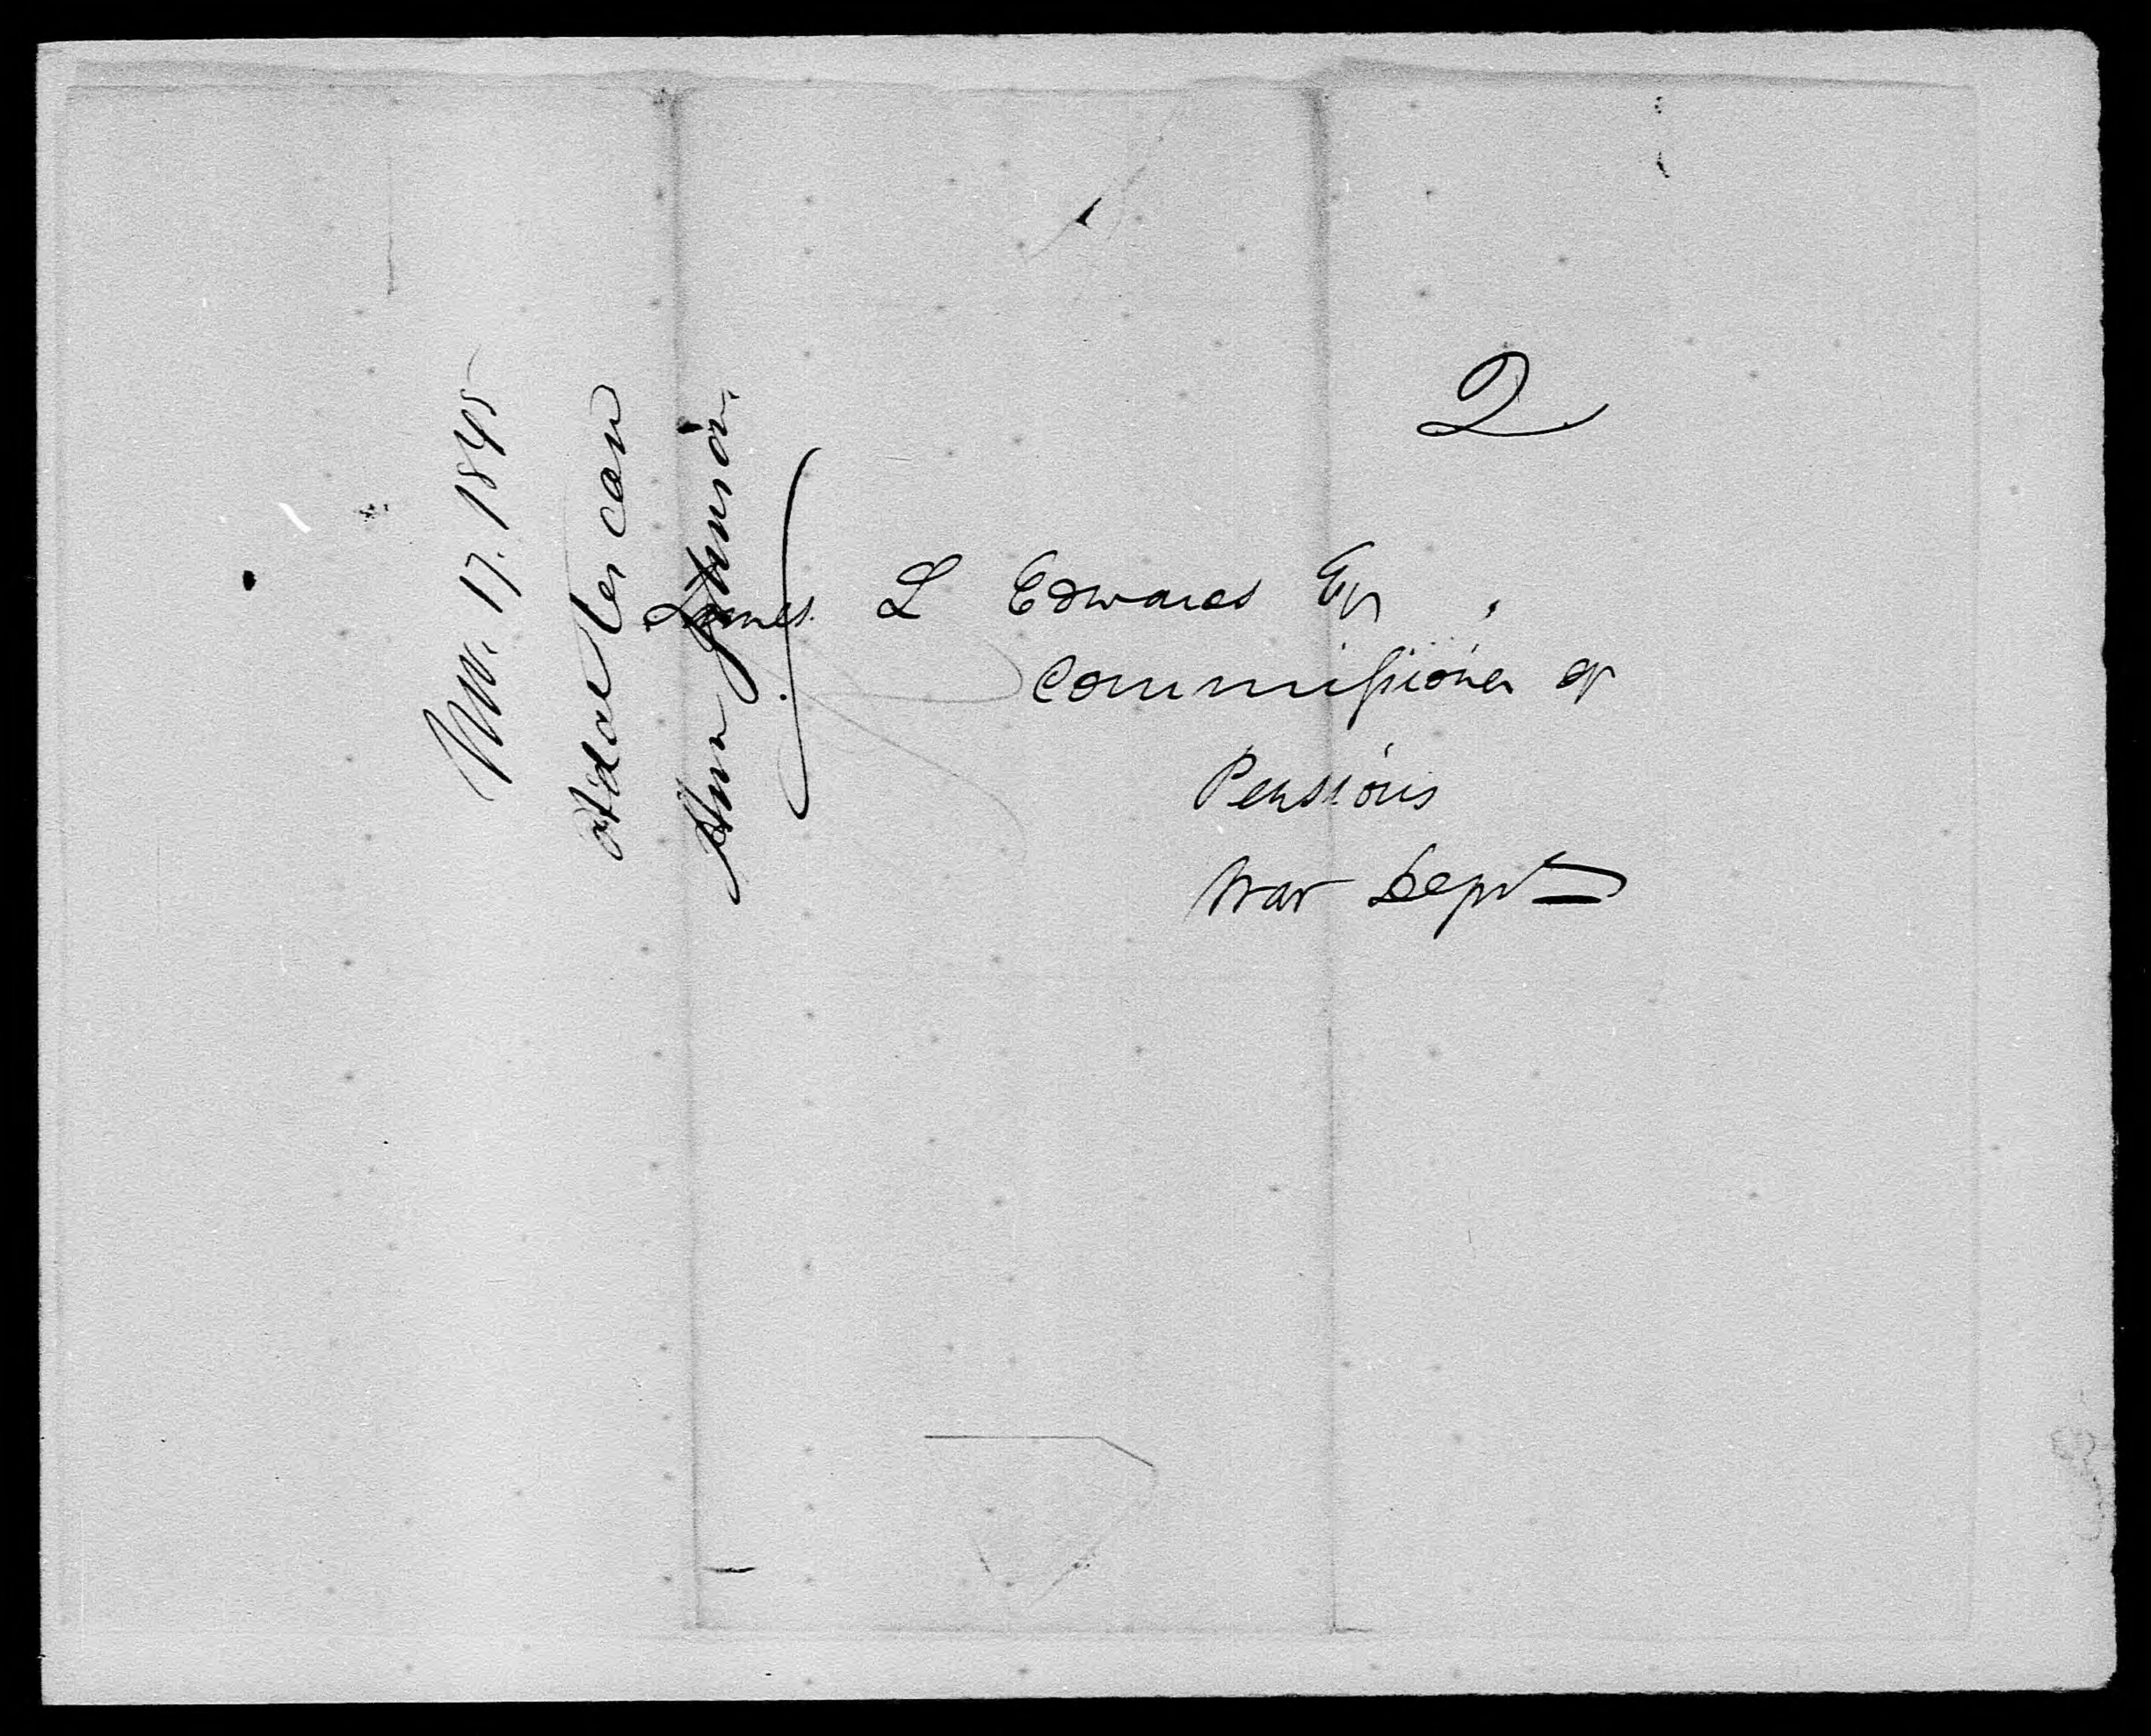Nov. 17. 1845
Adatter can
Ann Johnson
James L. Edwards, Esq.
Commissioner of Pensions
War Department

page: 48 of 74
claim: rejected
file: R. 5600, for Abel Johnson, North Carolina